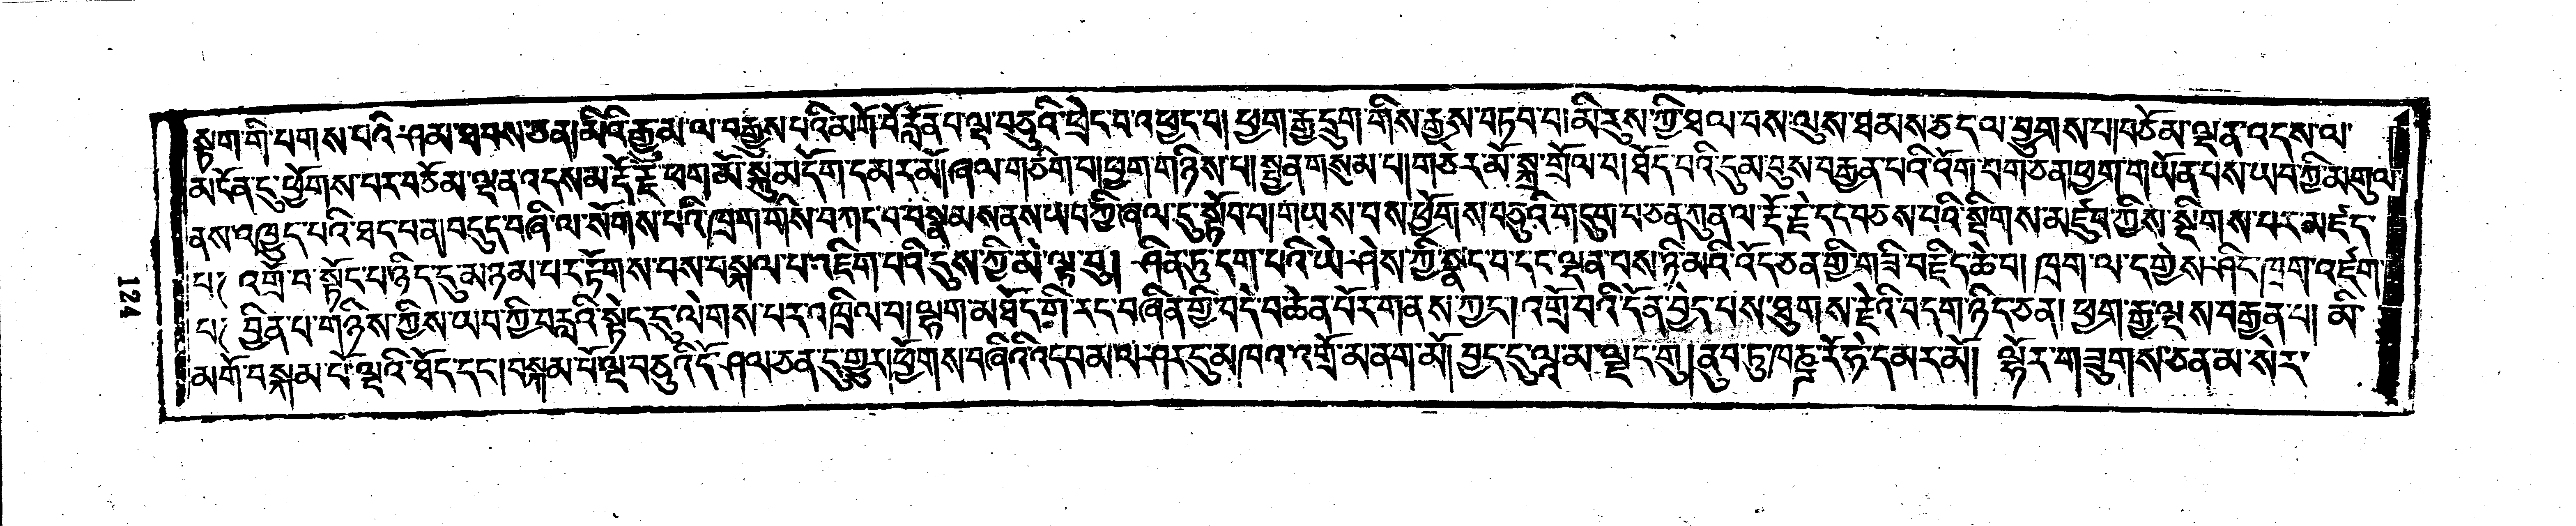སྟག་གི་པགས་པའི་ཤམ་ཐབས་ཅན། མིའི་རྒྱུ་མ་ལ་བརྒྱུས་པའི་མགོ་བོ་རློན་པ་ལྔ་བཅུའི་ཕྲེང་བ་འཕྱང་བ། ཕྱག་རྒྱ་དྲུག་གིས་རྒྱས་བཏབ་པ། མི་རུས་ཀྱི་ཐལ་བས་ལུས་ཐམས་ཅད་ལ་བྱུགས་པ། བཅོམ་ལྡན་འདས་ལ་
མངོན་དུ་ཕྱོགས་པར་བཅོམ་ལྡན་འདས་མ་རྡོ་རྗེ་ཕག་མོ་སྐུ་མདོག་དམར་མོ། ཞལ་གཅིག་པ། ཕྱག་གཉིས་པ། སྤྱན་གསུམ་པ། གཅེར་མོ་སྐྱ་གྲོལ་བ། ཐོད་པའི་དུམ་བུས་བརྒྱན་པའི་འོག་པག་ཅན། ཕྱག་གཡོན་པས་ཡབ་ཀྱི་མགུལ་
ནས་འཁྱུད་པའི་ཐོད་པ་ན། བདུད་བཞི་ལ་སོགས་པའི་ཁྲག་གིས་བཀང་བ་བསྣམས་ནས་ཡབ་ཀྱི་ཞལ་དུ་སྟོབ་པ། གཡས་པས་ཕྱོགས་བཅུའི་གདུག་པ་ཅན་ཀུན་ལ་རྡོ་རྗེ་དང་བཅས་པའི་སྡིགས་མཛུབ་ཀྱིས་སྡིགས་པར་མཛད་
པ༑ འགྲོ་བ་སྟོང་པ་ཉིད་དུ་མཉམ་པར་རྟོགས་པས་བསྐལ་པ་འཇིག་པའི་དུས་ཀྱི་མེ་ལྟ་བུ། ཤིན་ཏུ་དག་པའི་ཡེ་ཤེས་ཀྱི་སྣང་བ་དང་ལྡན་པས་ཉི་མའི་འོད་ཅན་གྱི་གཟི་བརྗིད་ཆེ་བ། ཁྲག་ལ་དགྱེས་ཤིང་ཁྲག་འཛག་
པ༑ བྱིན་པ་གཉིས་ཀྱིས་ཡབ་ཀྱིས་བརླའི་སྟེང་དུ་ལེགས་པར་འཁྲིལ་བ། ལྷག་མཐོང་གི་རང་གྱི་བདེ་བ་ཆེན་པོར་གནས་ཀྱང་། འགྲོ་བའི་དོན་བྱེད་པས་ཐུགས་རྗེའི་བདག་ཉིད་ཅན། ཕྱག་རྒྱ་ལྔས་བརྒྱན་པ། མི་
མགོ་བསྐམ་པོ་ལྔའི་ཐོད་དང་། བསྐམ་པོ་ལྔ་བཅུའི་དོ་ཤལ་ཅན་དུ་གྱུར། ཕྱོགས་བཞིའི་འདབ་མ་ལ་ཤར་དུ་མཁའ་འགྲོ་མ་ནག་མོ། བྱང་དུ་ལཱ་མ་ལྗང་གུ །ནུབ་ཏུ་ཁཎྜ་རོ་ཧེ་དམར་མོ། ལྷོར་གཟུགས་ཅན་མ་སེར་